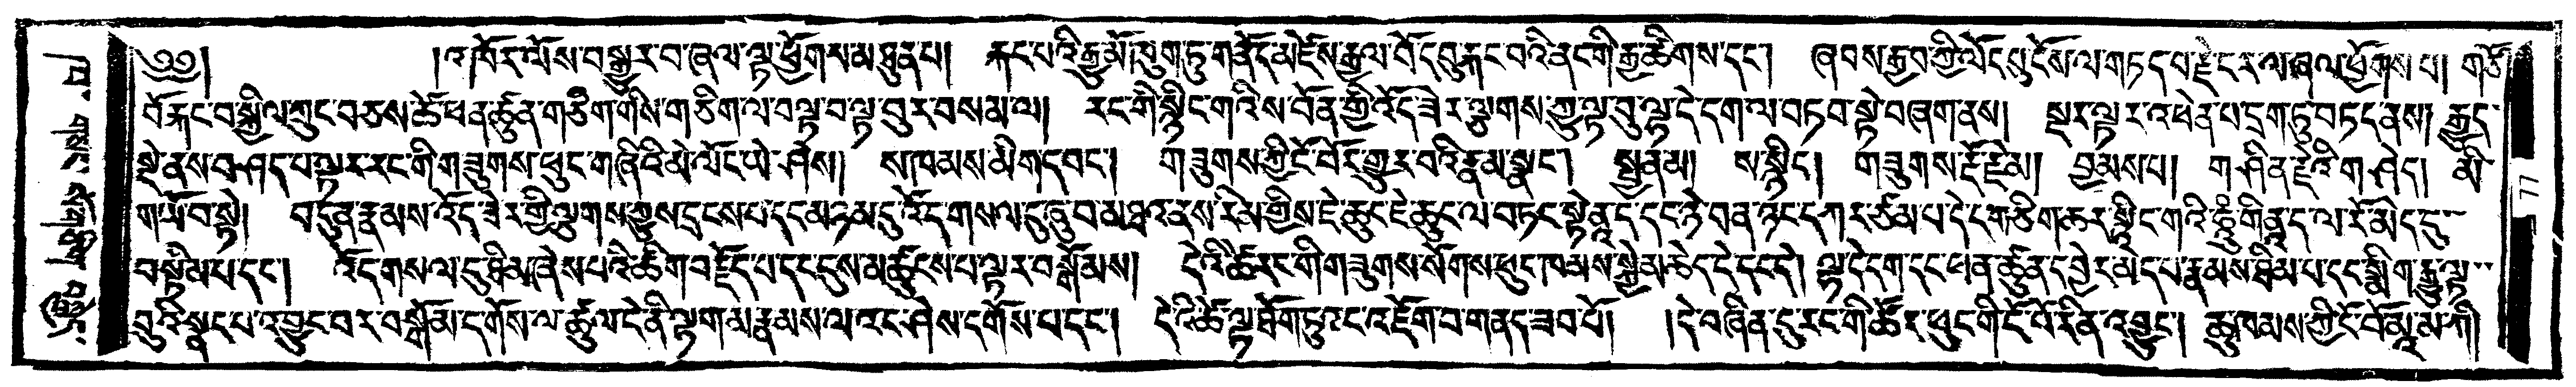༄༅། །འཁོར་ལོས་བསྒྱུར་བ་ཞལ་ལྟ་ཕྱོགས་མཐུན་པ། རྐང་པའི་རྒྱུ་མོ་ཁུག་ཏུ་གནོད་མཛེས་རྒྱལ་པོ་དབུ་རྐང་བའི་ནང་གི་རྒྱ་ཚིགས་དང་། ཞབས་རྒྱབ་ཀྱི་ལོང་བུ་ངོས་ལ་གཏད་པ་རྗེ་ངར་ལ་ཞལ་ཕྱོགས་པ། གཙོ་
བོ་རྐང་པ་སྐྱིལ་ཀྲུང་བཅས་ཚེ་ཕན་ཚུན་གཅིག་གིས་གཅིག་ལ་བལྟ་བ་ལྟ་བུར་བསམ་ལ། རང་གི་སྙིང་གའི་ས་བོན་གྱི་འོད་ཟེར་ལྕགས་ཀྱུ་ལྟ་བུ་ལྷ་དེ་དག་ལ་བཏབ་སྟེ་བཞག་ནས། སྔར་ལྟར་འཕེན་པ་དྲག་ཏུ་བཏད་ནས། རྒྱུད་
སྡེ་ནས་བཤད་པ་ལྟར་རང་གི་གཟུགས་ཕུང་གཞིའི་མེ་ལོང་ཡེ་ཤེས། ས་ཁམས་མིག་དབང་། གཟུགས་ཀྱི་ངོ་བོར་གྱུར་བའི་རྣམ་སྣང་། སྤྱན་མ། ས་སྙིང་། གཟུགས་རྡོ་རྗེ་མ། བྱམས་པ། གཤིན་རྗེའི་གཤེད། མི་
གཡོ་བ་སྟེ། བདུན་རྣམས་འོད་ཟེར་གྱི་ལྕགས་ཀྱུས་དྲངས་བ་དང་མཉམ་དུ་འོད་གསལ་དུ་ཞུ་བ་མཐའ་ནས་རིམ་གྱིས་ཇེ་ཆུང་ཇེ་ཆུང་ལ་བཏང་སྟེ་ནཱ་ད་དང་ཉེ་བན་ཉང་དཀར་ཙམ་པ་དེ་ང་གཅིག་ཆར་སྙིང་གའི་ཧཱུཾ་གི་ནཱ་ད་ལ་རོ་མེད་དུ་
བསྟིམ་པ་དང་། འོད་གསལ་དུ་ཐིམ་ཞེས་པའི་ཚིག་བརྗོད་པ་དང་དུས་མཚུངས་པ་ལྟར་བསྒོམས། དེའི་ཚེ་རང་གི་གཟུགས་སོགས་ཕུང་ཁམས་སྐྱེ་མཆེད་དེ་དང་དེ། ལྷ་དེ་དག་དང་ཕན་ཚུན་དབྱེར་མེད་པ་རྣམས་ཐིམ་པ་དང་སྨིག་རྒྱུ་ལྟ་
བུའི་སྣང་པ་འབྱུང་བར་བསྒོམ་དགོས་ལ་ཚུལ་དེ་ནི་ལྷག་མ་རྣམས་ལའང་ཤེས་དགོས་པ་དང་། དེའི་ཚེ་ལྟ་ཐོག་ཏུའང་འཇོག་བ་གནད་ཟབ་པོ། །དེ་བཞིན་དུ་རང་གི་ཚོར་ཕུང་གི་ངོ་བོ་རིན་འབྱུང་། ཆུ་ཁམས་ཀྱི་ངོ་བོ་མཱ་མ་ཀི།